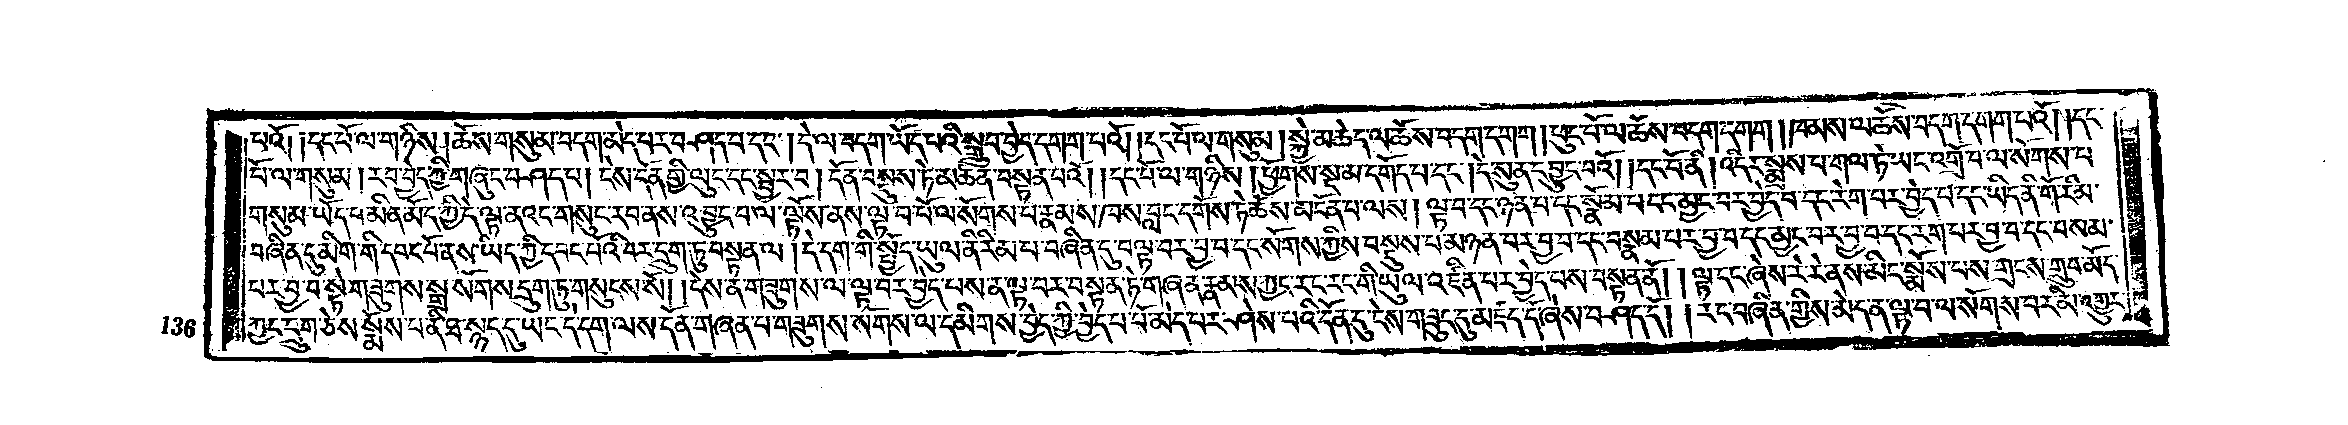པའོ། །དང་པོ་ལ་གཉིས། ཆོས་གསུམ་བདག་མེད་པར་བཤད་པ་དང་། དེ་ལ་བདག་ཡོད་པའི་སྒྲུབ་བྱེད་དགག་པའོ། །དང་པོ་ལ་གསུམ། སྐྱེ་མཆེད་ལ་ཆོས་བདག་དགག། ཕུང་པོ་ལ་ཆོས་བདག་དགག། ཁམས་ལ་ཆོས་བདག་དགག་པའོ། །དང་
པོ་ལ་གསུམ། རབ་བྱེད་ཀྱི་གཞུང་བཤད་པ། ངེས་དོན་གྱི་ལུང་དང་སྦྱར་བ། དོན་བསྡུས་ཏེ་མཚན་བསྟན་པའོ། །དང་པོ་ལ་གཉིས། ཕྱོགས་སྔ་མ་དགོད་པ་དང་། དེ་སུན་དབྱུང་བའོ། །དང་པོ་ནི། འདིར་སྨྲས་པ་གལ་ཏེ་ཡང་འགྲོ་བ་ལ་སོགས་པ་
གསུམ་ཡོད་པ་མིན་མོད་ཀྱི་དེ་ལྟ་ནའང་གསུང་རབ་ནས་འབྱུང་བ་ལ་ལྟོས་ནས་ལྟ་བ་པོ་ལ་སོགས་པ་རྣམས་ཁས་བླང་དགོས་ཏེ་ཆོས་མངོན་པ་ལས། ལྟ་བ་དང་ཉན་པ་དང་སྣོམ་པ་དང་མྱང་བར་བྱེད་པ་དང་རེག་པར་བྱེད་པ་དང་ཡིན་ནི་གོ་རིམ་
བཞིན་དུ་མིག་གི་དབང་པོ་ནས་ཡིད་ཀྱི་དབང་པོའི་བར་དྲུག་ཏུ་བསྟན་ལ། དེ་དག་གི་སྤྱོད་ཡུལ་ནི་རིམ་པ་བཞིན་དུ་བལྟ་བར་བྱ་བ་དང་སོགས་ཀྱིས་བསྡུས་པ་མཉན་པར་བྱ་བ་དང་བསམ་པར་བྱ་བ་དང་མྱང་བར་བྱ་བ་དང་རག་པར་བྱ་བ་དང་བསམ་
པར་བྱ་བ་སྟེ་གཟུགས་སྒྲ་སོགས་དྲུག་ཏུ་གསུངས་སོ། །དེས་ན་གཟུགས་ལ་ལྟ་བར་བྱེད་པས་ན་ལྟ་བར་བསྟན་ཏེ་གཞན་རྣམས་ཀྱང་རང་རང་གི་ཡུལ་འཛིན་པར་བྱེད་པས་བསྟན་ནོ། །ལྟ་དང་ཞེས་རེ་རེ་ནས་མིང་སྨོས་པས་གྲངས་གྲུབ་མོད་
ཀྱང་དྲུག་ཅེས་སྨོས་པ་ནི་ཐ་སྙད་དུ་ཡང་དེ་དག་ལས་དོན་གཞན་པ་གཟུགས་སོགས་ལ་དམིགས་བྱེད་ཀྱི་བྱེད་པ་པོ་མེད་པར་ཤེས་པའི་དོན་དུ་ངེས་གཟུང་དུ་མཛད་དོ་ཞེས་བཤད་དོ། །རང་བཞིན་གྱིས་མེད་ན་ལྟ་བ་ལ་སོགས་པར་མི་འགྱུར་